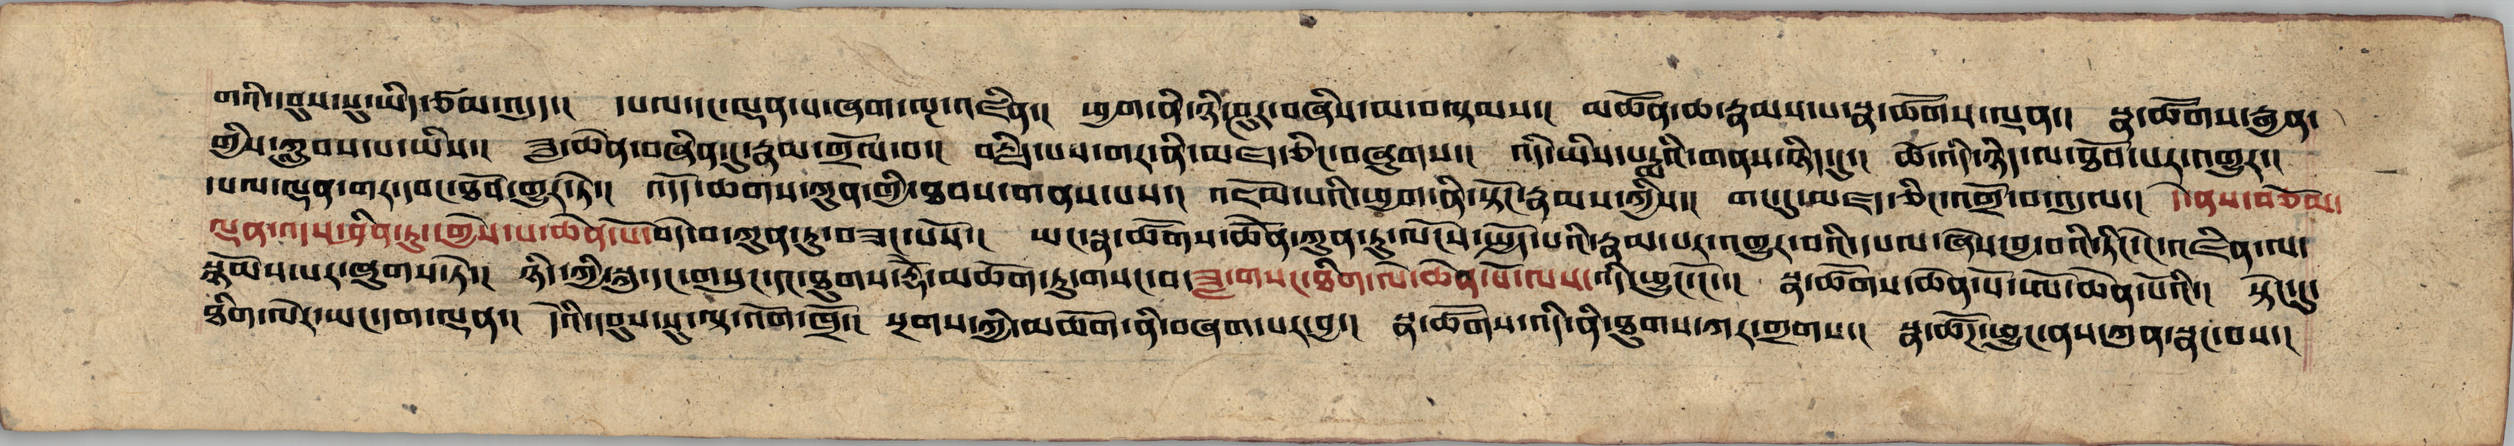གའི་དབུས་སུ་ཡིད་ཙམ་འདུད་། དཔལ་དང་ལྡན་པ་ཞག་ལྔ་འཛིན་། ཕྱག་ནི་ཉི་ཤུར་བཞིས་མ་བལྟམས་། མཚོན་ཆ་རྣམས་པ་སྣ་ཚོགས་ལྡན་། སྣ་ཚོགས་རྒྱན་
གྱིས་ཀླུབས་པ་ཡིས་། ཟླ་ཆེན་བཞིན་དུ་རྣམ་གྲོལ་བ་། བརྗིད་པས་གར་ནི་མཛད་ཅིང་བཞུགས་། འདི་ཡིས་པདྨའི་གནས་ཉིད་དུ་། ཚེ་འདི་ཉིད་ལ་ཐོབ་པར་འགྱུར་།
དཔལ་ལྡན་གར་དབང་ཐོབ་གྱུར་ཏེ་། འདོད་ཆགས་ཀུན་གྱི་ཐབས་གནས་པས་། འཇོམ་པའི་ཕྱག་ནི་སྟོང་རྣམས་ཀྱིས་། གང་དུ་མཛད་ཅིང་འགྲོ་བ་འདུལ་། དེ་ནས་བཅོམ་
ལྡན་འདས་ཤིན་ཏུ་དགྱེས་པ་ཆེན་པོ་བདེ་བ་ཀུན་ཏུ་བཟང་པོས་། ཡང་སྣ་ཚོགས་ཆེནོ་ཀུན་ཏུ་ལོངས་སྤྱོད་པའི་རྣམ་པར་འགྱུར་བའི་དཔལ་ཞེས་བྱ་བའི་ཏིང་ངེ་འཛིན་ལ་
སྙོམས་པར་ཞུགས་ཏེ་། ཉིད་ཀྱི་སྐུ་དང་གསུང་དང་ཐུགས་རྡོེ་མཆོག་ཏུ་གསང་བ་ཟླ་གསང་ཐིག་ལེ་ཆེན་པོ་ལས་འདི་ཕྱུང་ངོ་། སྣ་ཚོགས་ཆེན་པོ་ཨོ་ཆེན་པོའི་། སྟེང་དུ་
ཐིག་ལེར་ཡང་དག་ལྡན་། དེའི་དབུས་སུ་ལྟ་འོག་ཁྲོ་། སྔགས་ཀྱི་མཆོག་ནི་བཞག་པར་བྱ་། སྣ་ཚོགས་འདི་ནི་ཐུགས་ཀར་གྲགས་། སྣ་ཚོཌ་ཕྱུང་ནས་ཀུན་སྣང་བས་།